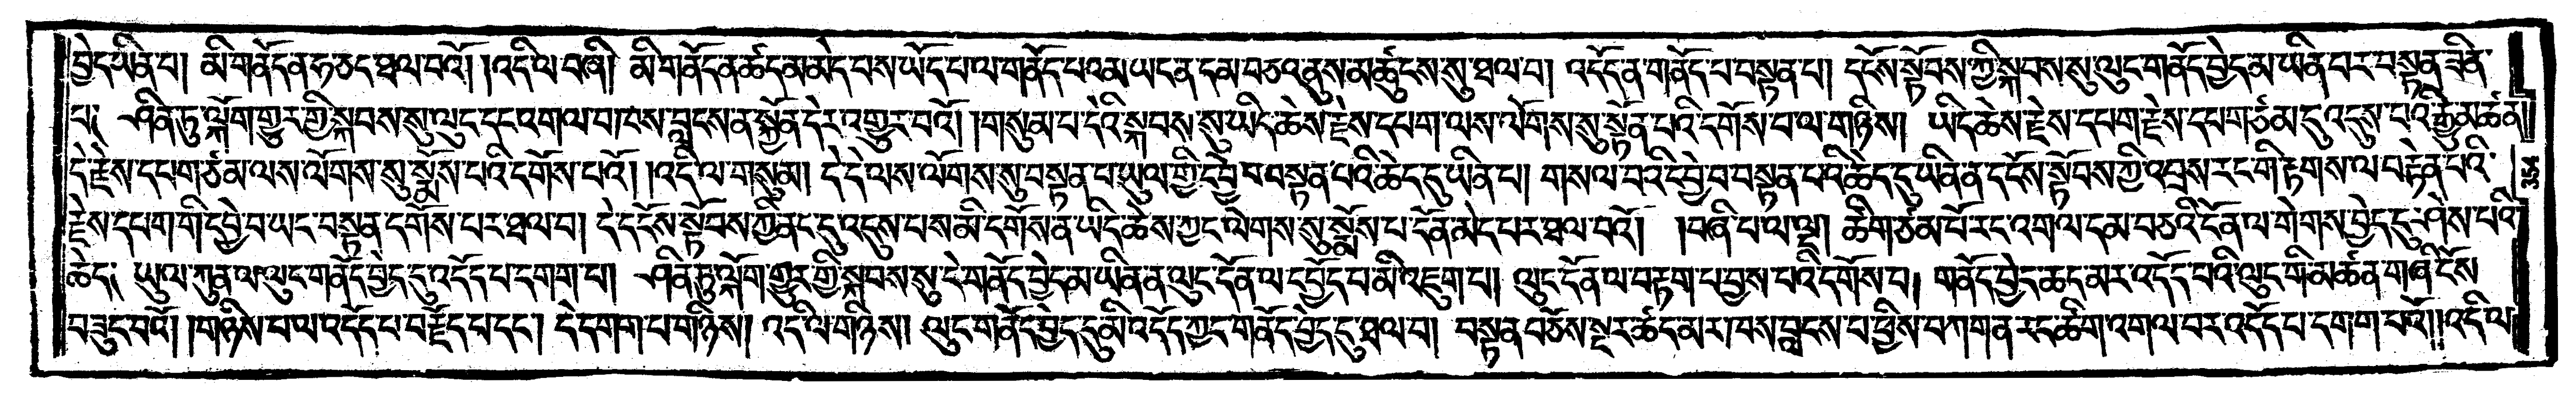བྱེད་ཡིན་པ། མི་གནོད་ན་ཧ་ཅང་ཐལ་བའོ། །འདི་ལ་བཞི། མི་གནོད་ན་ཚད་མ་མེད་པས་ཡོད་པ་ལ་གནོད་པའམ་ཡང་ན་དམ་བཅའ་ནུས་མཚུངས་སུ་ཐལ་བ། འདོད་ན་གནོད་པ་བསྟན་པ། དངོས་སྟོབས་ཀྱི་སྐབས་སུ་ལུང་གནོད་བྱེད་མ་ཡིན་པར་བསྟན་ཟིན་
པ། ཤིན་ཏུ་ལྐོག་གྱུར་གྱི་སྐབས་སུ་ལུང་དང་འགལ་བ་ཁས་བླངས་ན་སྐྱོན་དེར་འགྱུར་བའོ། །གསུམ་པ་དེའི་སྐབས་སུ་ཡིད་ཆེས་རྗེས་དཔག་ལས་ལོགས་སུ་སྟོན་པའི་དགོས་པ་ལ་གཉིས། ཡིད་ཆེས་རྗེས་དཔག་རྗེས་དཔག་ཙམ་དུ་འདུས་པའི་རྒྱུ་མཚན་
དེ་རྗེས་དཔག་ཙམ་ལས་ལོགས་སུ་སྨོས་པའི་དགོས་པའོ། །འདི་ལ་གསུམ། དེ་དེ་ལས་ལོགས་སུ་བསྟན་པ་ཡུལ་གྱི་དབྱེ་བ་བསྟན་པའི་ཆེད་དུ་ཡིན་པ། གསལ་བའི་དབྱེ་བ་བསྟན་པའི་ཆེད་དུ་ཡིན་ན་དངོས་སྟོབས་ཀྱི་འབྲས་རང་གི་རྟགས་ལ་བརྟེན་པའི་
རྗེས་དཔག་གི་དབྱེ་བ་ཡང་བསྟན་དགོས་པར་ཐལ་བ། དེ་དངོས་སྟོབས་ཀྱི་ནང་དུ་འདུས་པས་མི་དགོས་ན་ཡིད་ཆེས་ཀྱང་ལེགས་སུ་སྨོས་པ་དོན་མེད་པར་ཐལ་བའོ། །བཞི་པ་ལ་ལྔ། ཚིག་ཙམ་པོ་རང་འགལ་དམ་བཅའི་དོན་ལ་གེགས་བྱེད་དུ་ཤེས་པའི་
ཆེད། ཡུལ་ཀུན་ལ་ལུང་གནོད་བྱེད་དུ་འདོད་པ་དགག་པ། ཤིན་ཏུ་ལྐོག་གྱུར་གྱི་སྐབས་སུ་དེ་གནོད་བྱེད་མ་ཡིན་ན་ལུང་དོན་ལ་དཔྱོད་པ་མི་འཇུག་པ། ལུང་དོན་ལ་བརྟག་པ་བྱས་པའི་དགོས་པ། གནོད་བྱེད་ཆད་མར་འདོད་པའི་ལུང་གི་མཚན་གཞི་ངོས་
བཟུང་བའོ། །གཉིས་པ་ལ་འདོད་པ་བརྗོད་པ་དང་། དེ་དགག་པ་གཉིས། འདི་ལ་གཉིས། ལུང་གནོད་བྱེད་དུ་མི་འདོད་ཀྱང་གནོད་བྱེད་དུ་ཐལ་བ། བསྟན་བཅོས་སྔར་ཚད་མར་ཁས་བླངས་པ་ཕྱིས་བཀག་ན་རང་ཚིག་འགལ་བར་འདོད་པ་དགག་པའོ། །འདི་ལ་